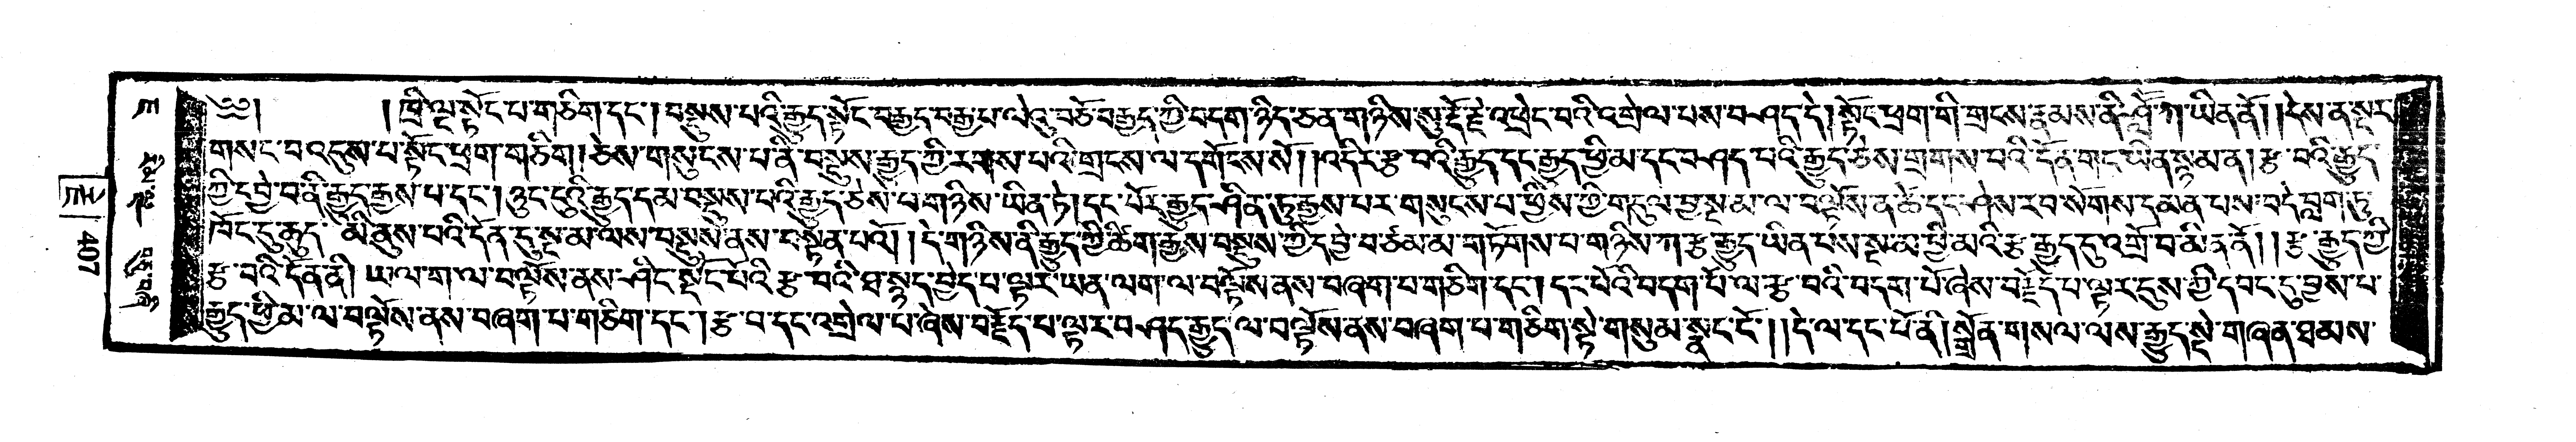༄༅། །ཁྲི་ལྔ་སྟོང་པ་གཅིག་དང་། བསྡུས་པའི་རྒྱུད་སྟོང་བརྒྱད་བརྒྱ་པ་ལེའུ་བཅོ་བརྒྱད་ཀྱི་བདག་ཉིད་ཅན་གཉིས་སུ་རྡོ་རྗེ་འཕྲེང་བའི་འགྲེལ་པས་བཤད་དེ། སྟོང་ཕྲག་གི་གྲངས་རྣམས་ནི་ཤླཽ་ཀ་ཡིན་ནོ། །དེས་ན་སྔར་
གསང་བ་འདུས་པ་སྟོང་ཕྲག་གཅིག །ཅེས་གསུངས་པ་ནི་བསྡུས་རྒྱུད་ཀྱི་རགས་པའི་གྲངས་ལ་དགོངས་སོ། །འདིར་རྩ་བའི་རྒྱུད་དང་རྒྱུད་ཕྱི་མ་དང་བཤད་པའི་རྒྱུད་ཅེས་གྲགས་པའི་དོན་གང་ཡིན་སྙམ་ན། རྩ་བའི་རྒྱུད་
ཀྱི་དབྱེ་བ་ནི་རྒྱུད་རྒྱས་པ་དང་། ཉུང་ངུའི་རྒྱུད་དམ་བསྡུས་པའི་རྒྱུད་ཅེས་པ་གཉིས་ཡིན་ཏེ། དང་པོར་རྒྱུད་ཤིན་ཏུ་རྒྱས་པར་གསུངས་པ་ཕྱིས་ཀྱི་གདུལ་བྱ་སྔ་མ་ལ་བལྟོས་ན་ཚེ་དང་ཤེས་རབ་སོགས་དམན་པས་བདེ་བླག་ཏུ་
ཁོང་དུ་ཆུད་མི་ནུས་པའི་དོན་དུ་སྔ་མ་ལས་བསྡུས་ནས་བསྟན་པའོ། །དེ་གཉིས་ནི་རྒྱུད་ཀྱི་ཚིག་རྒྱས་བསྡུས་ཀྱི་དབྱེ་བ་ཙམ་མ་གཏོགས་པ་གཉིས་ཀ་རྩ་རྒྱུད་ཡིན་པས་སྔ་མ་ཕྱི་མའི་རྩ་རྒྱུད་དུ་འགྲོ་བ་མིན་ནོ། །རྩ་རྒྱུད་ཀྱི་
རྩ་བའི་དོན་ནི། ཡལ་ག་ལ་བལྟོས་ནས་ཤིང་སྡོང་པོའི་རྩ་བའི་ཐ་སྙད་བྱེད་པ་ལྟར་ཡན་ལག་ལ་བལྟོས་ནས་བཞག་པ་གཅིག་དང་། དང་པོའི་བདག་པོ་ལ་རྩ་བའི་བདག་པོ་ཞེས་བརྗོད་པ་ལྟར་དུས་ཀྱི་དབང་དུ་བྱས་པ་
རྒྱུད་ཕྱི་མ་ལ་བལྟོས་ནས་བཞག་པ་གཅིག་དང་། རྩ་བ་དང་འགྲེལ་པ་ཞེས་བརྗོད་པ་ལྟར་བཤད་རྒྱུད་ལ་བལྟོས་ནས་བཞག་པ་གཅིག་སྟེ་གསུམ་སྣང་ངོ། །དེ་ལ་དང་པོ་ནི། སྒྲོན་གསལ་ལས་རྒྱུད་སྡེ་གཞན་ཐམས་